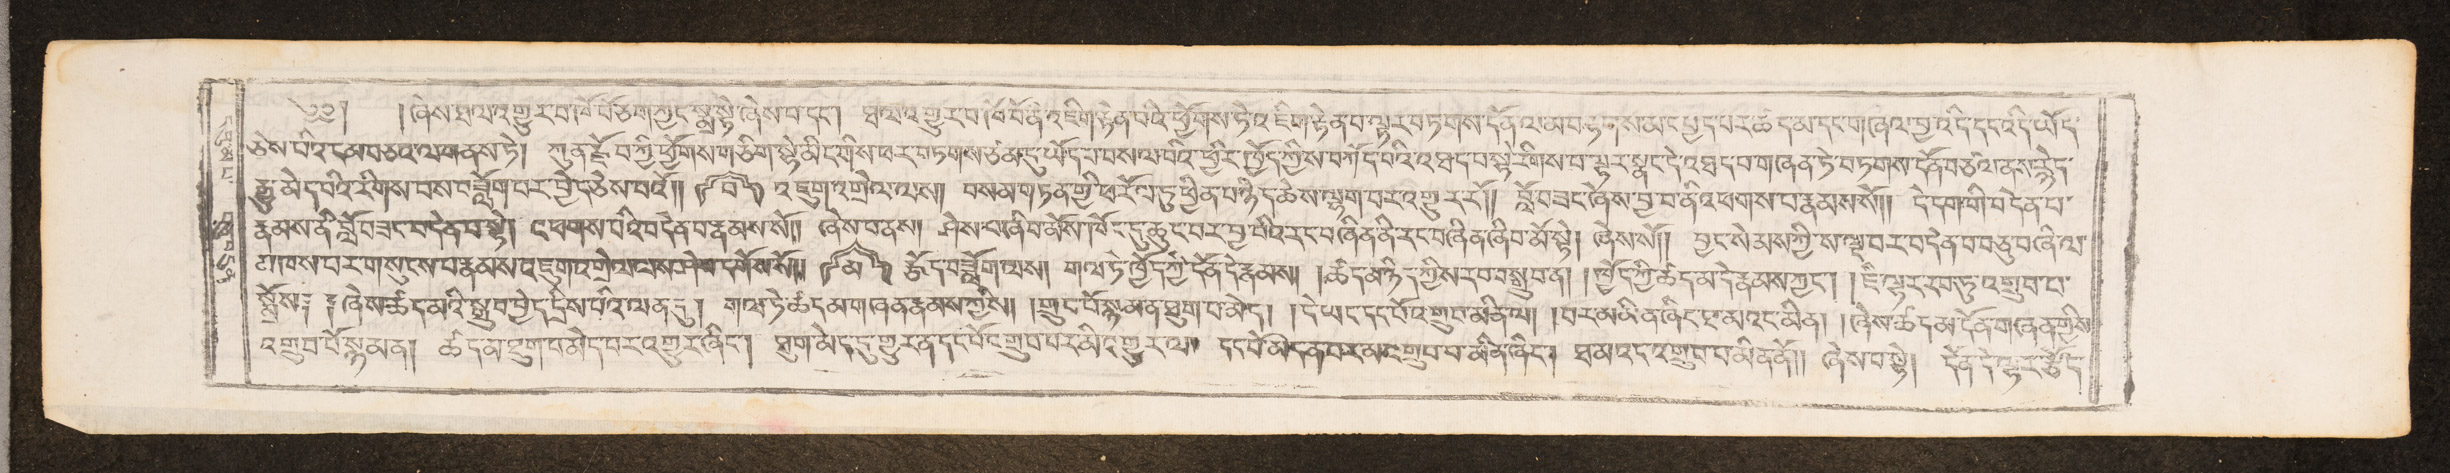༄༅། །ཞེས་ཐལ་འགྱུར་བ་ཁོ་བོ་ཅག་ཀྱང་སྨྲ་སྟེ་ཞེས་པ་དང་། ཐལ་འགྱུར་པ་ཁོ་བོ་ནི་འཇིག་རྟེན་པའི་ཕྱོགས་ཏེ་འཇིག་རྟེན་པ་ལྟར་བཏགས་དོན་ལ་མ་བརྟགས་མ་དཔྱད་པར་ཚད་མ་དང་གཞལ་བྱ་འདི་དང་འདི་ཡོད་
ཅེས་པའི་དམ་བཅའ་ལ་གནས་ཏེ། ཀུན་རྫོབ་ཀྱི་ཕྱོགས་གཅིག་སྟེ་མིང་གི་ཕར་བཏགས་ཙམ་དུ་ཡོད་པ་བསལ་བའི་ཕྱིར་ཁྱོད་ཀྱིས་བཀོད་པའི་འཐ་པ་སྟེ་རིགས་པ་ལྟར་སྣང་དེ་འཐད་པ་གཞན་ཏེ་བཏགས་དོན་བཙལ་ནས་རྙེད་
རྒྱུ་མེད་པའི་རིགས་པས་བཟློག་པར་བྱེད་ཅེས་བའོ།། ༼༽བ༼༽ འཇུག་འགྲེལ་ལས། བསམ་གཏན་གྱི་ཕ་རོལ་ཏུ་ཕྱིན་པ་ཉིད་ཆེས་ལྷག་པར་འགྱུར་རོ།། བློ་བཟང་ཞེས་བྱ་བ་ནི་འཕགས་པ་རྣམས་སོ།། དེ་དག་གི་བདེན་པ་
རྣམས་ནི་བློ་བཟང་བདེན་པ་སྟེ། འཕག་པའི་བདེན་པ་རྣམས་སོ།། ཞེས་པ་ནས། ཤེས་པ་ཞིབ་མོས་ཁོང་དུ་ཆུང་བར་བྱ་བའི་རང་བཞིན་ནི་རང་བཞིན་ཞིབ་མོ་སྟེ། ཞེས་སོ།། བྱང་སེམས་ཀྱི་ས་ལྔ་བར་བདེན་པ་བཅུ་བཞི་ལ་
མཁས་པར་གསུངས་པ་རྣམས་འཇུག་འགྲེལ་ལས་ཤེས་དགོས་སོ།། ༼༽མ༼༽ རྩོད་བཟློག་ལས། གལ་ཏེ་ཁྱོད་ཀྱི་དོན་དེ་རྣམས། །ཚད་མ་ཉིད་ཀྱིས་རབ་བསྒྲུབ་ན། །ཁྱོད་ཀྱི་ཚད་མ་དེ་རྣམས་ཀྱང་། །ཇི་ལྟར་རབ་ཏུ་འགྲུབ་པ་
སྨྲོས༑ ༑ཞེས་ཚད་མའི་སྒྲུབ་བྱེད་དྲིས་བའི་ལན་དུ། གལ་ཏེ་ཚད་མ་གཞན་རྣམས་ཀྱིས། །གྲུབ་པོ་སྙམ་ན་ཐུག་པ་མེད། །དེ་ཡང་དང་པོ་འགྲུབ་མིན་ལ། །བར་མ་མིན་ཞིང་ཐ་མའང་མིན། །ཞེས་ཚད་མ་དོན་གཞན་གྱིས་
འགྲུབ་བོ་སྙམ་ན། ཚད་མ་ཐུག་པ་མེད་པར་འགྱུར་ཞིང་། ཐུག་མེད་དུ་གྱུར་ན་དང་པོ་འགྲུབ་པར་མི་འགྱུར་ལ། དང་བོ་མེད་ན་པར་མ་འགྲུབ་པ་མིན་ཞིང་། ཐ་མའང་འགྲུབ་པ་མིན་ནོ།། ཞེས་པ་སྟེ། དོན་དེ་ལྷར་རྩོད་